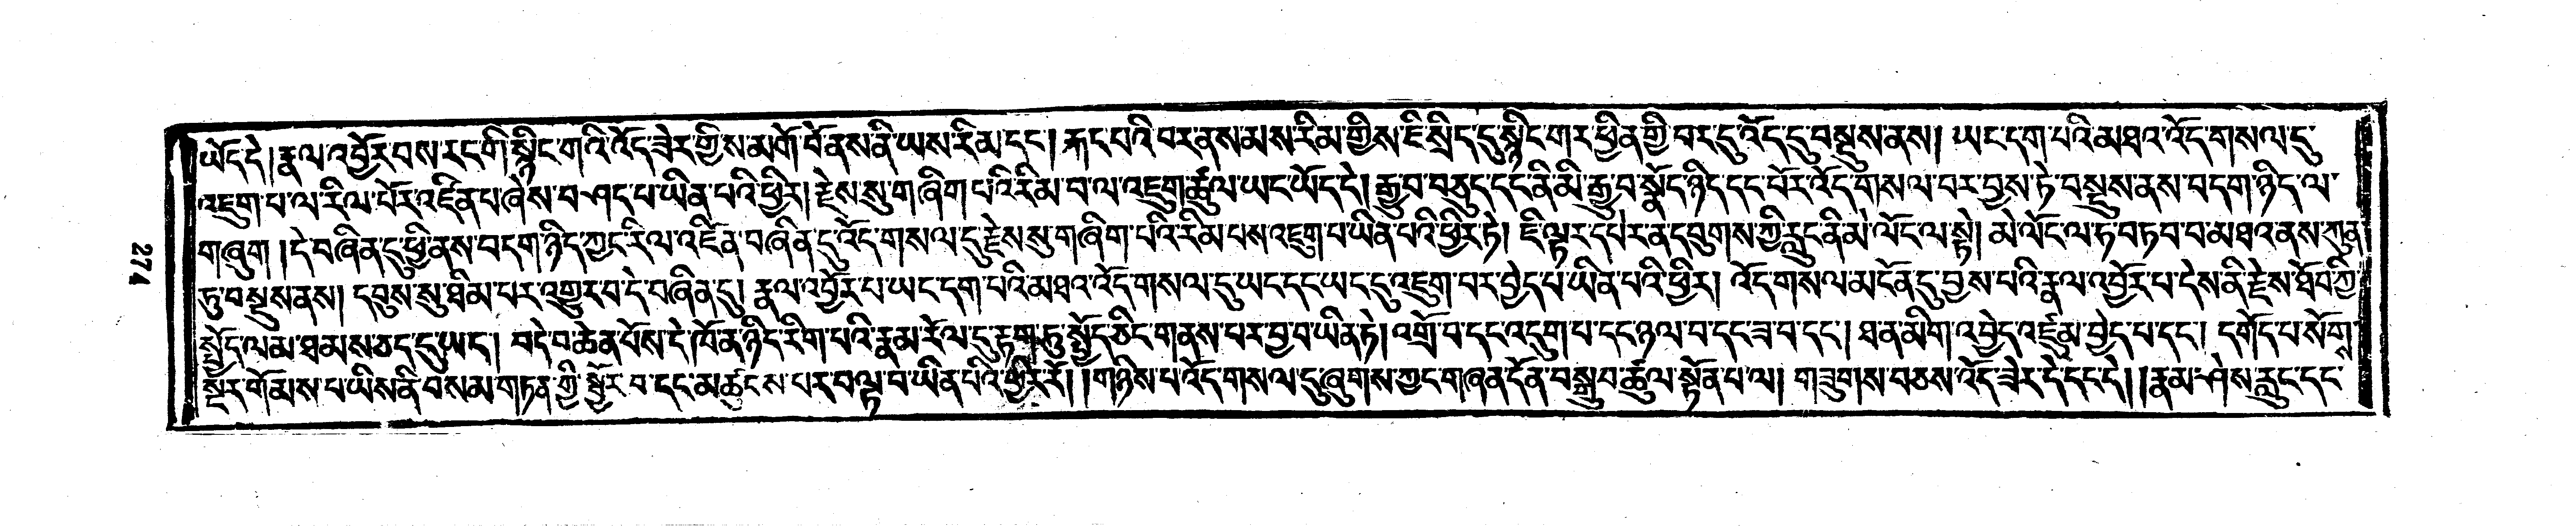ཡོད་དེ། རྣལ་འབྱོར་པས་རང་གི་སྙིང་གའི་འོད་ཟེར་གྱིས་མགོ་བོ་ནས་ནི་ཡས་རིམ་དང་། རྐང་པའི་བར་ནས་མས་རིམ་གྱིས་ཇི་སྲིད་དུ་སྙིང་གར་ཕྱིན་གྱི་བར་དུ་འོད་དུ་བསྡུས་ནས། ཡང་དག་པའི་མཐའ་འོད་གསལ་དུ་
འཇུག་པ་ལ་རིལ་པོར་འཛིན་པ་ཞེས་བཤད་པ་ཡིན་པའི་ཕྱིར། རྗེས་སུ་གཞིག་པའི་རིམ་པ་ལ་འཇུག་ཚུལ་ཡང་ཡོད་དེ། རྒྱུ་བ་བཅུད་དང་ནི་མི་རྒྱུ་བ་སྣོད་ཉིད་དང་པོར་འོད་གསལ་བར་བྱས་ཏེ་བསྡུས་ནས་བདག་ཉིད་ལ་
གཞུག །དེ་བཞིན་དུ་ཕྱི་ནས་བདག་ཉིད་ཀྱང་རིལ་འཛིན་བཞིན་དུ་འོད་གསལ་དུ་རྗེས་སུ་གཞིག་པའི་རིམ་པས་འཇུག་པ་ཡིན་པའི་ཕྱིར་ཏེ། ཇི་ལྟར་དཔེར་ན་དབུགས་ཀྱི་རླུང་ནི་མེ་ལོང་ལ་སྟེ། མེ་ལོང་ལ་ཧ་བཏབ་པ་མཐའ་ནས་ཀུན་
ཏུ་བསྡུས་ནས། དབུས་སུ་ཐིམ་པར་འགྱུར་བ་དེ་བཞིན་དུ། རྣལ་འབྱོར་པ་ཡང་དག་པའི་མཐའ་འོད་གསལ་དུ་ཡང་དང་ཡང་དུ་འཇུག་པར་བྱེད་པ་ཡིན་པའི་ཕྱིར། འོད་གསལ་མངོན་དུ་བྱས་པའི་རྣལ་འབྱོར་པ་དེས་ནི་རྗེས་ཐོབ་ཀྱི་
སྤྱོད་ལམ་ཐམས་ཅད་དུ་ཡང་། བདེ་བ་ཆེན་པོས་དེ་ཁོ་ན་ཉིད་རིག་པའི་རྣམ་རོལ་དུ་རྟག་ཏུ་སྤྱོད་ཅིང་གནས་པར་བྱ་བ་ཡིན་ཏེ། འགྲོ་བ་དང་འདུག་པ་དང་ཉལ་བ་དང་ཟ་བ་དང་། ཐ་ན་མིག་འབྱེད་འཛུམ་བྱེད་པ་དང་། དགོང་པ་སོགས་
སྔར་གོམས་པ་ཡིས་ནི་བསམ་གཏན་གྱི་སྦྱོར་བ་དང་མཚུངས་པར་བལྟ་བ་ཡིན་པའི་ཕྱིར་རོ། །གཉིས་པ་འོད་གསལ་དུ་ཞུགས་ཀྱང་གཞན་དོན་བསྒྲུབ་ཚུལ་སྟོན་པ་ལ། གཟུགས་བཅས་འོད་ཟེར་དེ་དང་དེ། །རྣམ་ཤེས་རླུང་དང་